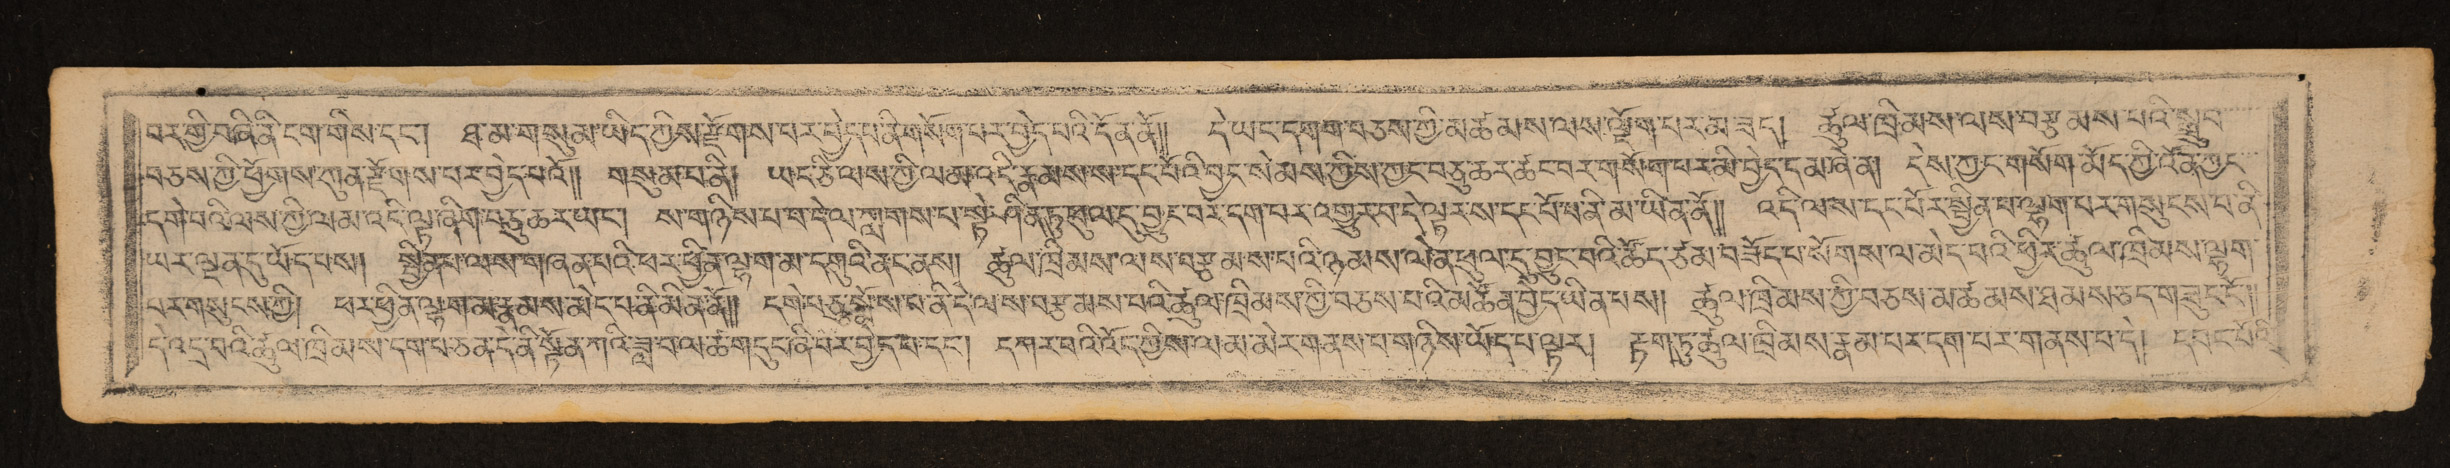བར་གྱི་བཞི་ནི་ངག་གིས་དང་། ཐ་མ་སྐ་སུམ་ཡིད་ཀྱིས་རྫོགས་པར་བྱེད་པ་ནི་གསོག་པར་བྱེད་པའི་དོན་ནོ།། དེ་ཡང་དགག་བཅས་ཀྱི་མཚམས་ལས་ལྡོག་པར་མ་ཟད། ཚུལ་ཁྲིམས་ལས་བརྩམས་པའི་སྒྲུབ་
བཅས་ཀྱི་ཕྱོགས་ཀུན་རྫོགས་པར་བྱེད་པའོ།། གསུམ་པ་ནི། ཡང་ཅི་ལས་ཀྱི་ལམ་འདི་རྣམས་ས་དང་པོའི་བྱང་སེམས་ཀྱིས་ཀྱང་བཅུ་ཆར་ཚང་བར་གསོག་པར་མི་བྱེད་དམ་ཞེ་ན། དེས་ཀྱང་གསོག་མོད་ཀྱི་འོན་ཀྱང་
དགེ་བའི་ལས་ཀྱི་ལམ་འདི་ལྟ་ཞིག་བཅུ་ཆར་ཡང་། ས་གཉིས་པ་བ་དེ་ལ་ཀླགས་པ་སྟེ་ཤིན་ཏུ་ཕུལ་དུ་བྱུང་བར་དག་པར་འགྱུར་བ་དེ་ལྟར་ས་དང་པོ་བ་ནི་མ་ཡིན་ནོ།། འདི་ལ་ས་དང་པོར་སྦྱིན་པ་ལྷག་པར་གསུངས་པ་ནི་
ཡར་ལྡན་དུ་ཡོད་བས། སྦྱིན་པ་ལས་གཞན་པའི་ཕར་ཕྱིན་ལྷག་མ་དགུའི་ནང་ནས། ཚུལ་ཁྲིམས་ལས་བརྩམས་པའི་ཉམས་ལེན་ཕུལ་དུ་བྱུང་བའི་ཚོད་ཙམ་བཟོད་པ་སོགས་ལ་མེད་པའི་ཕྱིར་ཚུལ་ཁྲིམས་ལྷག་
པར་གསུངས་ཀྱི། ཕར་ཕྱིན་ལྷག་མ་རྣམས་མེད་པ་ནི་མིན་ནོ།། དགེ་བཅུ་སྨོས་པ་ནི་དེ་ལས་བརྩམས་པའི་ཚུལ་ཁྲིམས་ཀྱི་བཅས་པའི་མཚོན་བྱེད་ཡིན་བས། ཚུལ་ཁྲིམས་ཀྱི་བཅས་མཚམས་ཐམས་ཅད་གཟུང་ངོ།།
དེ་འདྲ་བའི་ཚུལ་ཁྲིམས་དག་པ་ཅན་དེ་ནི་སྟོན་ཀའི་ཟླ་བ་ལ་ཚ་གདུང་ཞི་བར་བྱེད་པ་དང་། དཀར་བའི་འོད་ཀྱིས་ལམ་མེར་གནས་པ་གཉིས་ཡོད་པ་ལྟར། རྟག་ཏུ་ཚུལ་ཁྲིམས་རྣམ་པར་དག་པར་གནས་པ་དེ། དབང་པོའི་